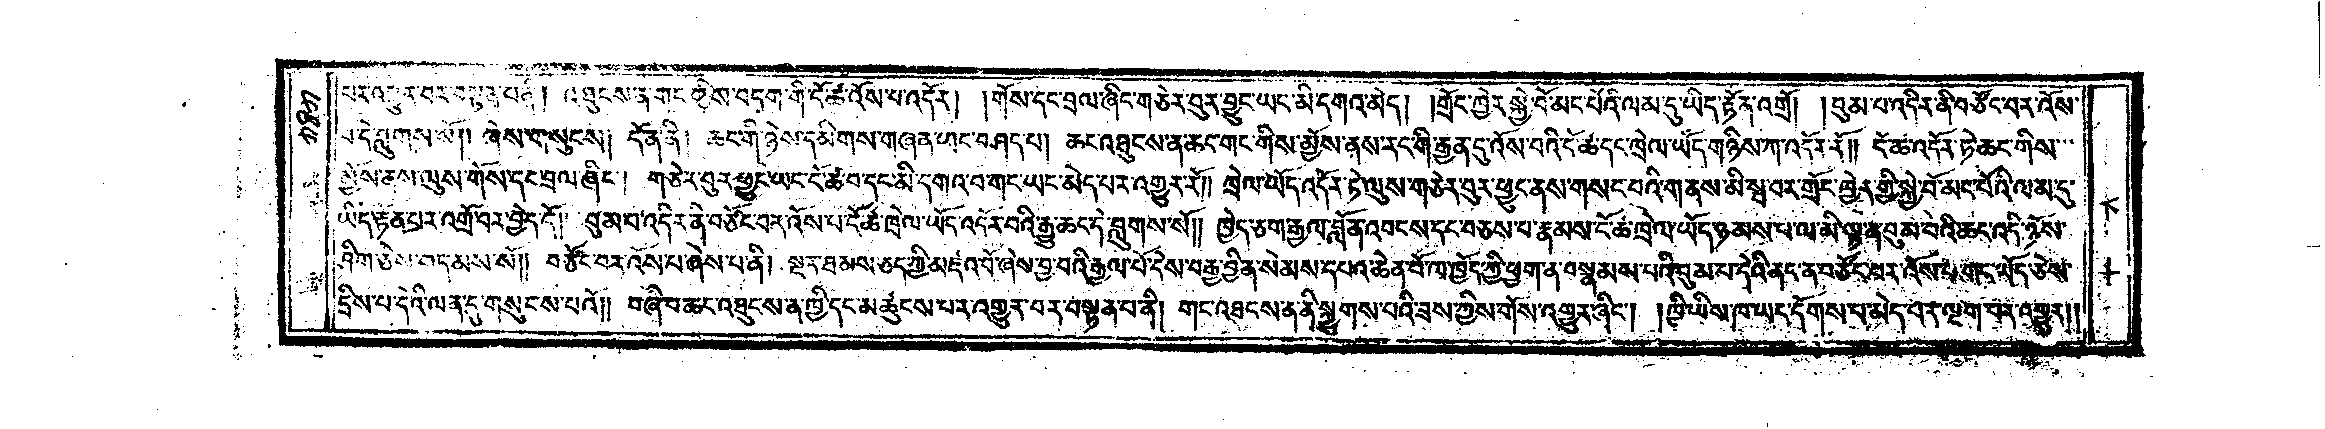པར་འགྱུར་བར་བསྟན་པ་ནི། འཐུངས་ན་གང་གིས་བདག་གི་ངོ་ཚ་འོས་པ་འདོར། །གོས་དང་བྲལ་ཞིང་གཅེར་བུར་བྱུང་ཡང་ཞིང༑ རང་གི་ཁ་རྡ་བརྡུངས་ཏེ་གར་མཁན་རྣམས་ལུས་ཀྱིས་གར་འགྲོ། །བུམ་པ་འདིར་ནི་བཙོང་བར་འོས་
པ་དེ་བླུགས་སོ།། ཞེས་གསུངས། དོན་ནི། ཆང་གི་ཉེས་དམིགས་གཞན་ཡང་བཤད་པ། ཆང་འཐུངས་ན་ཆང་གང་གིས་མྱོས་ནས་རང་གི་རྒྱན་དུ་འོས་པའི་ངོ་ཚ་དང་ཁྲེལ་ཡོད་གཉིས་ཀ་འདོར་རོ།། ངོ་ཚ་འདོར་ཉེ་ཆང་གིས་
མྱོས་ནས་ལུས་གོས་དང་བྲལ་ཞིང་། གཅེར་བུར་ཕྱུང་ཡང་ངོ་ཚ་བ་དང་མི་དགའ་བ་གང་ཡང་མེད་པར་འགྱུར་རོ།། ཁྲེལ་ཡོད་འདོར་ཏེ་ལུས་གཅེར་བུར་ཕྱུང་ནས་གསང་བའི་གནས་མི་སྦ་བར་གྲོང་ཁྱེར་གྱི་སྐྱེ་བོ་མང་པོའི་ལམ་དུ་
ཡིད་རྟོན་པར་འགྲོ་བར་བྱེད་དོ།། བུམ་པ་འདིར་ནི་བཙོང་བར་འོས་པ་ངོ་ཚ་ཁྲེལ་ཡོད་འདོར་བའི་རྒྱུ་ཆང་དེ་བླུགས་སོ།། ཁྱེད་ཅག་རྒྱལ་བློན་འབངས་དང་བཅས་པ་རྣམས་ངོ་ཆ་ཁྲེལ་ཡོད་ཉམས་པ་ལ་མི་ལྟ་ན་བུམ་པའི་ཆང་འདི་ཉོས་
ཤིག་ཅེས་གདམས་སོ།། བཙོང་བར་འོས་པ་ཞེས་པ་ནི། སྔར་ཐམས་ཅད་ཀྱི་མཛའ་བོ་ཞེས་བྱ་བའི་རྒྱལ་པོ་དེས་བརྒྱ་བྱིན་སེམས་དཔའ་ཆེན་པོ་ལ་ཁྱོད་ཀྱི་ཕྱག་ན་བསྣམས་པའི་བུམ་པ་དེའི་ནང་ན་བཙོང་བར་འོས་པ་གང་ཡོད་ཅེས་
དྲིས་པ་དེའི་ལན་དུ་གསུངས་པའོ།། བཞི་པ་ཆང་འཐུངས་ན་ཁྱི་དང་མཚུངས་པར་འགྱུར་བར་བསྟན་པ་ནི། གང་འཐུངས་ན་ནི་སྐྱུགས་པའི་ཟས་ཀྱིས་གོས་འགྱུར་ཞིང་། །ཁྱི་ཡིས་ཁ་ཡང་དོགས་པ་མེད་པར་ལྡག་པར་འགྱུར།།